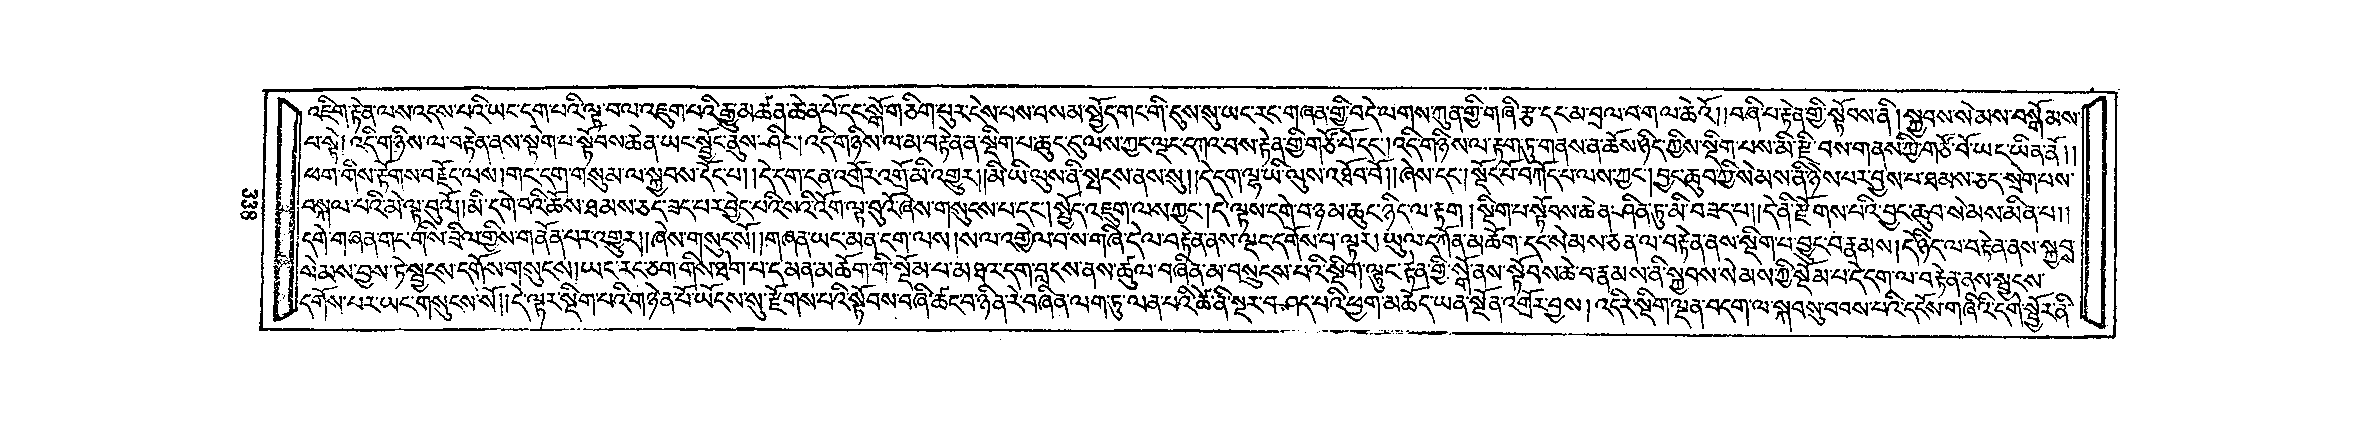འཇིག་རྟེན་ལས་འདས་པའི་ཡང་དག་པའི་ལྟ་བ་ལ་འཇུག་པའི་རྒྱུ་མཚན་ཆེན་པོ་དང་སྒོ་གཅིག་པུར་ངེས་པས་བསམ་སྦྱོད་གང་གི་དུས་སུ་ཡང་རང་གཞན་གྱི་བདེ་ལགས་ཀུན་གྱི་གཞི་རྩ་དང་མ་བྲལ་བ་གལ་ཆེའོ། །བཞི་པ་རྟེན་གྱི་སྟོབས་ནི། སྐྱབས་སེམས་བསྒོམས་
པ་སྟེ། འདི་གཉིས་ལ་བརྟེན་ནས་སྟེག་པ་སྟོབས་ཆེན་ཡང་སྦྱོང་ནུས་ཤིང་། འདི་གཉིས་ལ་མ་བརྟེན་ན་སྡིག་པ་ཆུང་དུ་ལས་ཀྱང་ལྡང་དཀའ་བས་རྟེན་གྱི་གཙོ་བོ་དང་། འདི་གཉིས་ལ་རྟག་ཏུ་གནས་ན་ཆོས་ཉིད་ཀྱིས་སྡིག་པས་མི་རྫི་བས་གནས་ཀྱི་གཙོ་བོ་ཡང་ཡིན་ནོ།
ཕག་གིས་རྟོགས་བརྗོད་ལས། གང་དག་གསུམ་ལ་སྐྱབས་དོད་པ། །དེ་དག་ངན་འགྲོར་འགྲོ་མི་འགྱུར། །མི་ཡི་ལུས་ནི་སྤངས་ནས་སུ། །དེ་དག་ལྷ་ཡི་ལུས་འཐོབ་བོ། །ཞེས་དང་། སྡོང་པོ་བཀོད་པ་ལས་ཀྱང་། བྱང་ཆུབ་ཀྱི་སེམས་ནི་ཉེས་པར་བྱས་པ་ཐམས་ཅད་སྲེག་པས་
བསྐལ་པའི་མེ་ལྟ་བུའོ། །མི་དགེ་བའི་ཆོས་ཐམས་ཅད་ཟད་པར་བྱེད་པའི་སའི་འོག་ལྟ་བུའོ་ཞེས་གསུངས་པ་དང་། སྤྱོད་འཇུག་ལས་ཀྱང་། དེ་ལྟས་དགེ་བ་ཉམ་ཆུང་ཉིད་ལ་རྟག །སྡིག་པ་སྟོབས་ཆེན་ཤིན་ཏུ་མི་བཟད་པ། །དེ་ནི་རྫོགས་པའི་བྱང་ཆུབ་སེམས་མིན་པ།།
དགེ་གཞན་གང་གིས་ཟིལ་གྱིས་གནོན་པར་འགྱུར། །ཞེས་གསུང་སོ། །གཞན་ཡང་མན་ངག་ལས། ས་ལ་འགྱེལ་བ་ས་གཞི་དེ་ལ་བརྟེན་ནས་ལྡང་དགོས་པ་ལྟར། ཡུལ་དཀོན་མཆོག་དང་སེམས་ཅན་ལ་བརྟེན་ནས་སྡིག་པ་བྱུང་བ་རྣམས། དེ་ཉིད་ལ་བརྟེན་ནས་སྐྱབས་
སེམས་བྱས་ཏེ་སྦྱངས་དགོས་གསུངས། ཡང་རང་ཅག་གིས་ཐེག་པ་དམན་མཆོག་གི་སྡོམ་པ་མཐའ་དག་བླངས་ནས་ཚུལ་བཞིན་མ་བསྲུངས་པའི་སྡིག་ལྟུང་རྟེན་གྱི་སྒོ་ནས་སྟོབས་ཆེ་བ་རྣམས་ནི་སྐྱབས་སེམས་ཀྱི་སྡོམ་པ་དེ་དག་ལ་བརྟེན་ནས་སྦྱངས་
དགོས་པར་ཡང་གསུངས་སོ། །དེ་ལྟར་སྡིག་པའི་གཉེན་པོ་ཡོངས་སུ་རྫོགས་པའི་སྟོབས་བཞི་ཚང་བ་ཉིན་རེ་བཞིན་ལག་ཏུ་ལན་པའི་ཚེ་ནི་སྔར་བཤད་པའི་ཕྱག་མཆོད་ཡན་སྔོན་འགྲོར་བྱས། འདིར་སྡིག་ལྡན་བདག་ལ་སྐབས་སུ་བབས་པའི་དངོས་གཞིའི་དགེ་སྦྱོར་ནི་